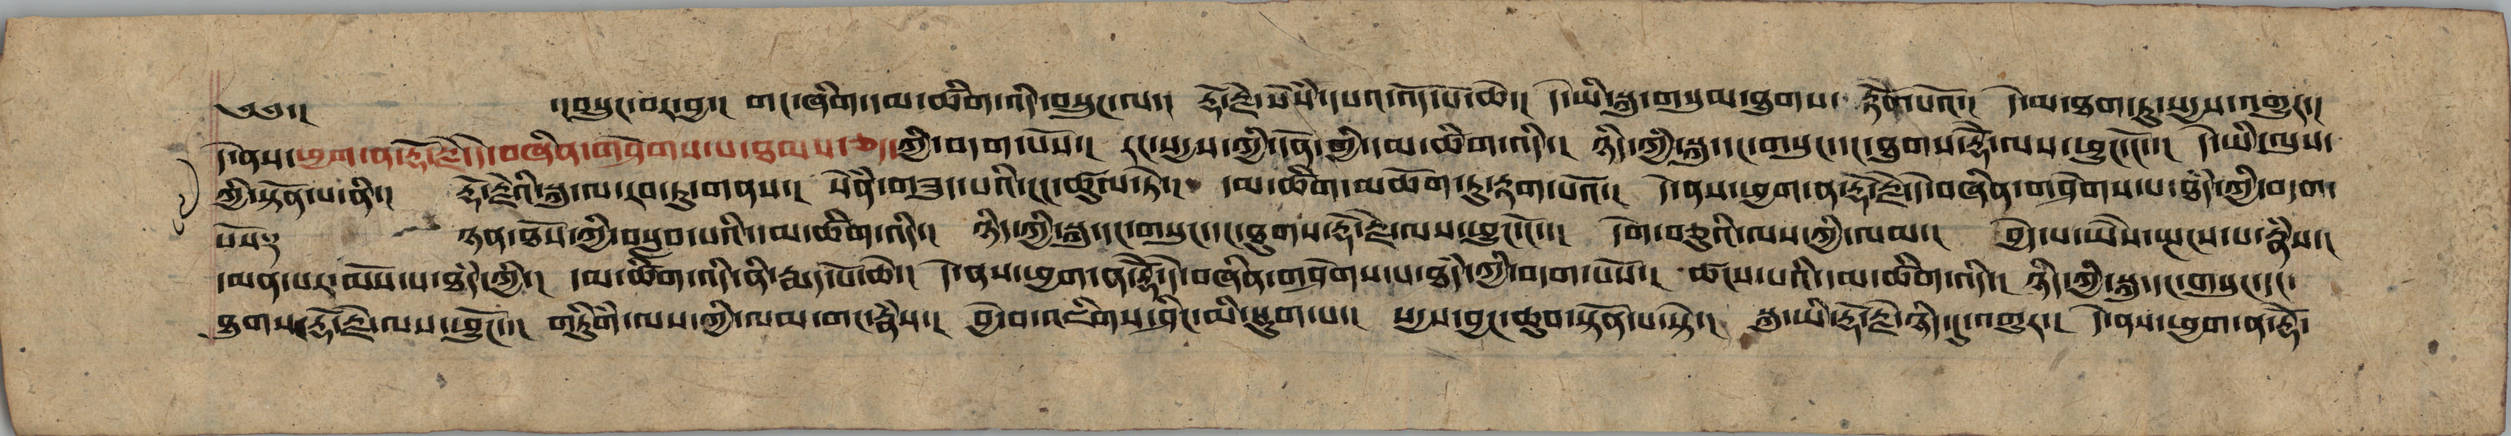༄༅་། ་།བསྲུང་བར་བྱ་། གང་ཞིག་དམ་ཚིག་འདི་བསྲུང་ལ་། རྡོ་རྗེ་སེཾས་དཔའ་འོད་པོ་ཆེ་། དེ་ཡི་སྐུ་གསུང་ཐུགས་ རྟེན་པའོ་། དེ་མ་ཐག་ཏུ་སདྱས་འགྱུར་།
དེ་ནས་ཕྱག་ན་རྡོ་རྗེ་དེ་བཞིན་གཤེགས་པ་ཐམས་ཅད་ཀྱི་བདག་པོས་། རང་སདྱས་ཀྱི་དོན་གྱི་དམ་ཚིག་འདི་། ཉིད་ཀྱི་སྐུ་དང་གསུང་དང་ཐུགས་རྡོེ་ལས་ཕྱུང་ངོ་་། དེ་ཡི་ལུས་
ཀྱི་སྟོན་པ་ནི་། རྡོ་རྗེའི་སྐུ་ལ་རབ་ཏུ་གནས་། སེཾན་གཟུད་པའི་ངང་ཚུལ་ཏེ་། དམ་ཚིག་མཆོག་ཏུ་རྟག་པའོ་། དེ་ནས་ཕྱག་ན་རྡོ་རྗེ་དེ་བཞིན་གཤེགས་པ་ཐཾད་ཀྱི་བདག་
པོས༑ ཉན་ཐོས་ཀྱི་བསླབ་པའི་དམ་ཚིག་འདི་། ཉིད་ཀྱི་སྐུ་དང་གསུང་དང་ཐུགས་རྡོ་རྗེ་ལས་ཕྱུང་ངོ་་། དགེ་བཅུའི་ལས་ཀྱི་ལམ་། བྱེད་པ་ཡཻས་སྤངས་པ་རྣཾས་
དམན་པར་མོས་པ་ཐཾད་ཀྱི་། དམ་ཚིག་འདི་ནི་རྨད་པོ་ཆེ་། དེ་ནས་ཕྱག་ན་རྡོེ་དེ་བཞིན་གཤེགས་པ་ཐཾད་ཀྱི་བདག་པོས་། ཚངས་པའི་དམ་ཚིག་འདི་། ཉིད་ཀྱི་སྐུ་དང་གསུང་དང་
ཐུགས་རྡོ་རྗེ་ལས་ཕྱུངོ་་། གཏིུཾག་ལས་ཀྱི་ལམ་གང་རྣཾས་། བྱེ་བ་འཇིགས་ཤིང་མི་སྡུག་པ་། སདྱས་བྱང་ཆུབ་སྟོན་པ་སྟེ་། སྐུ་ཡི་རྡོ་རྗེ་ཉིད་དུ་འགྱུར་། དེ་ནས་ཕྱག་ན་རྡོེ་